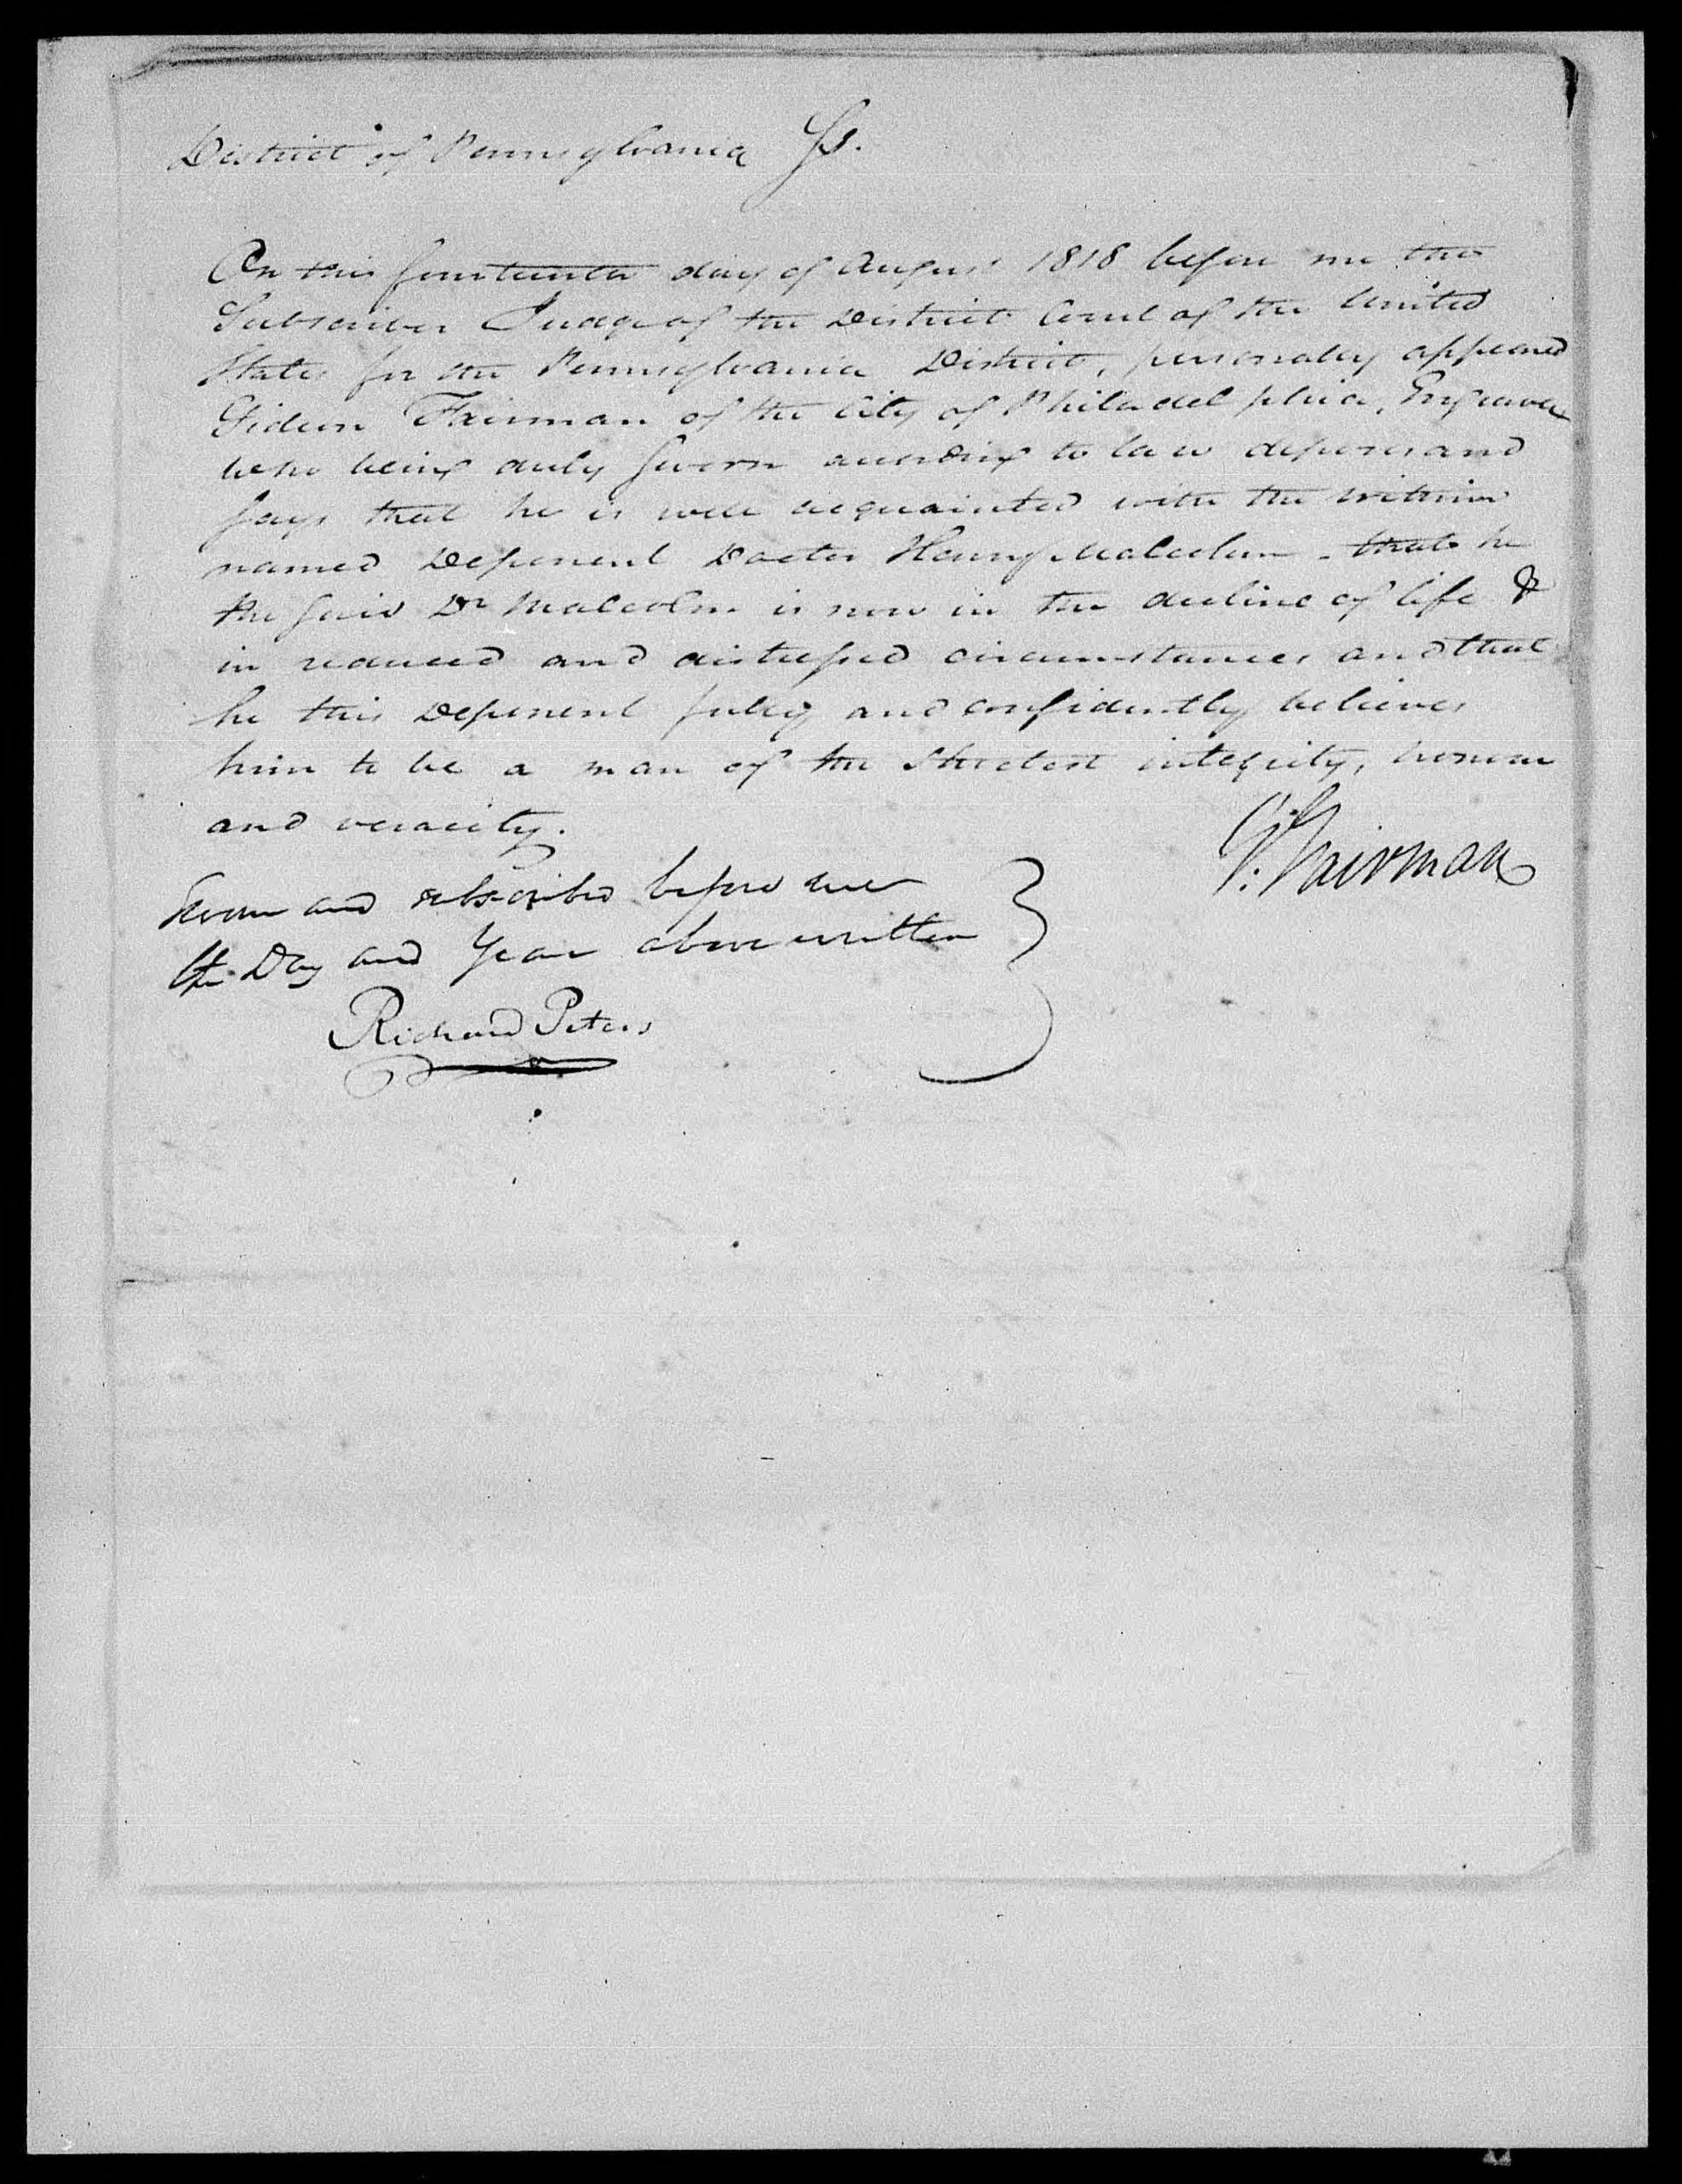District of Pennsylvania ss.
On this fourteenth day of August 1818 before me the Subscriber Judge of the District Court of the United States for the Pennsylvania District, personally appeared Gideon Fairman of the City of Philadelphia, Engraver who being duly Sworn according to law deposes and says that he is well acquainted with the within named Deponent Doctor Henry Malcolm - that he the said Dr Malcolm is now in the decline of life & in reduced and distressed circumstances and that he this deponent fully and confidently believes him to be a man of the strictest integrity, honor and veracity.
G. Fairman
Sworn to and subscribed before me the Day and year above written}
Richard Peters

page: 23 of 28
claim: survivor's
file: S. 5,048, for Henry Malcolm